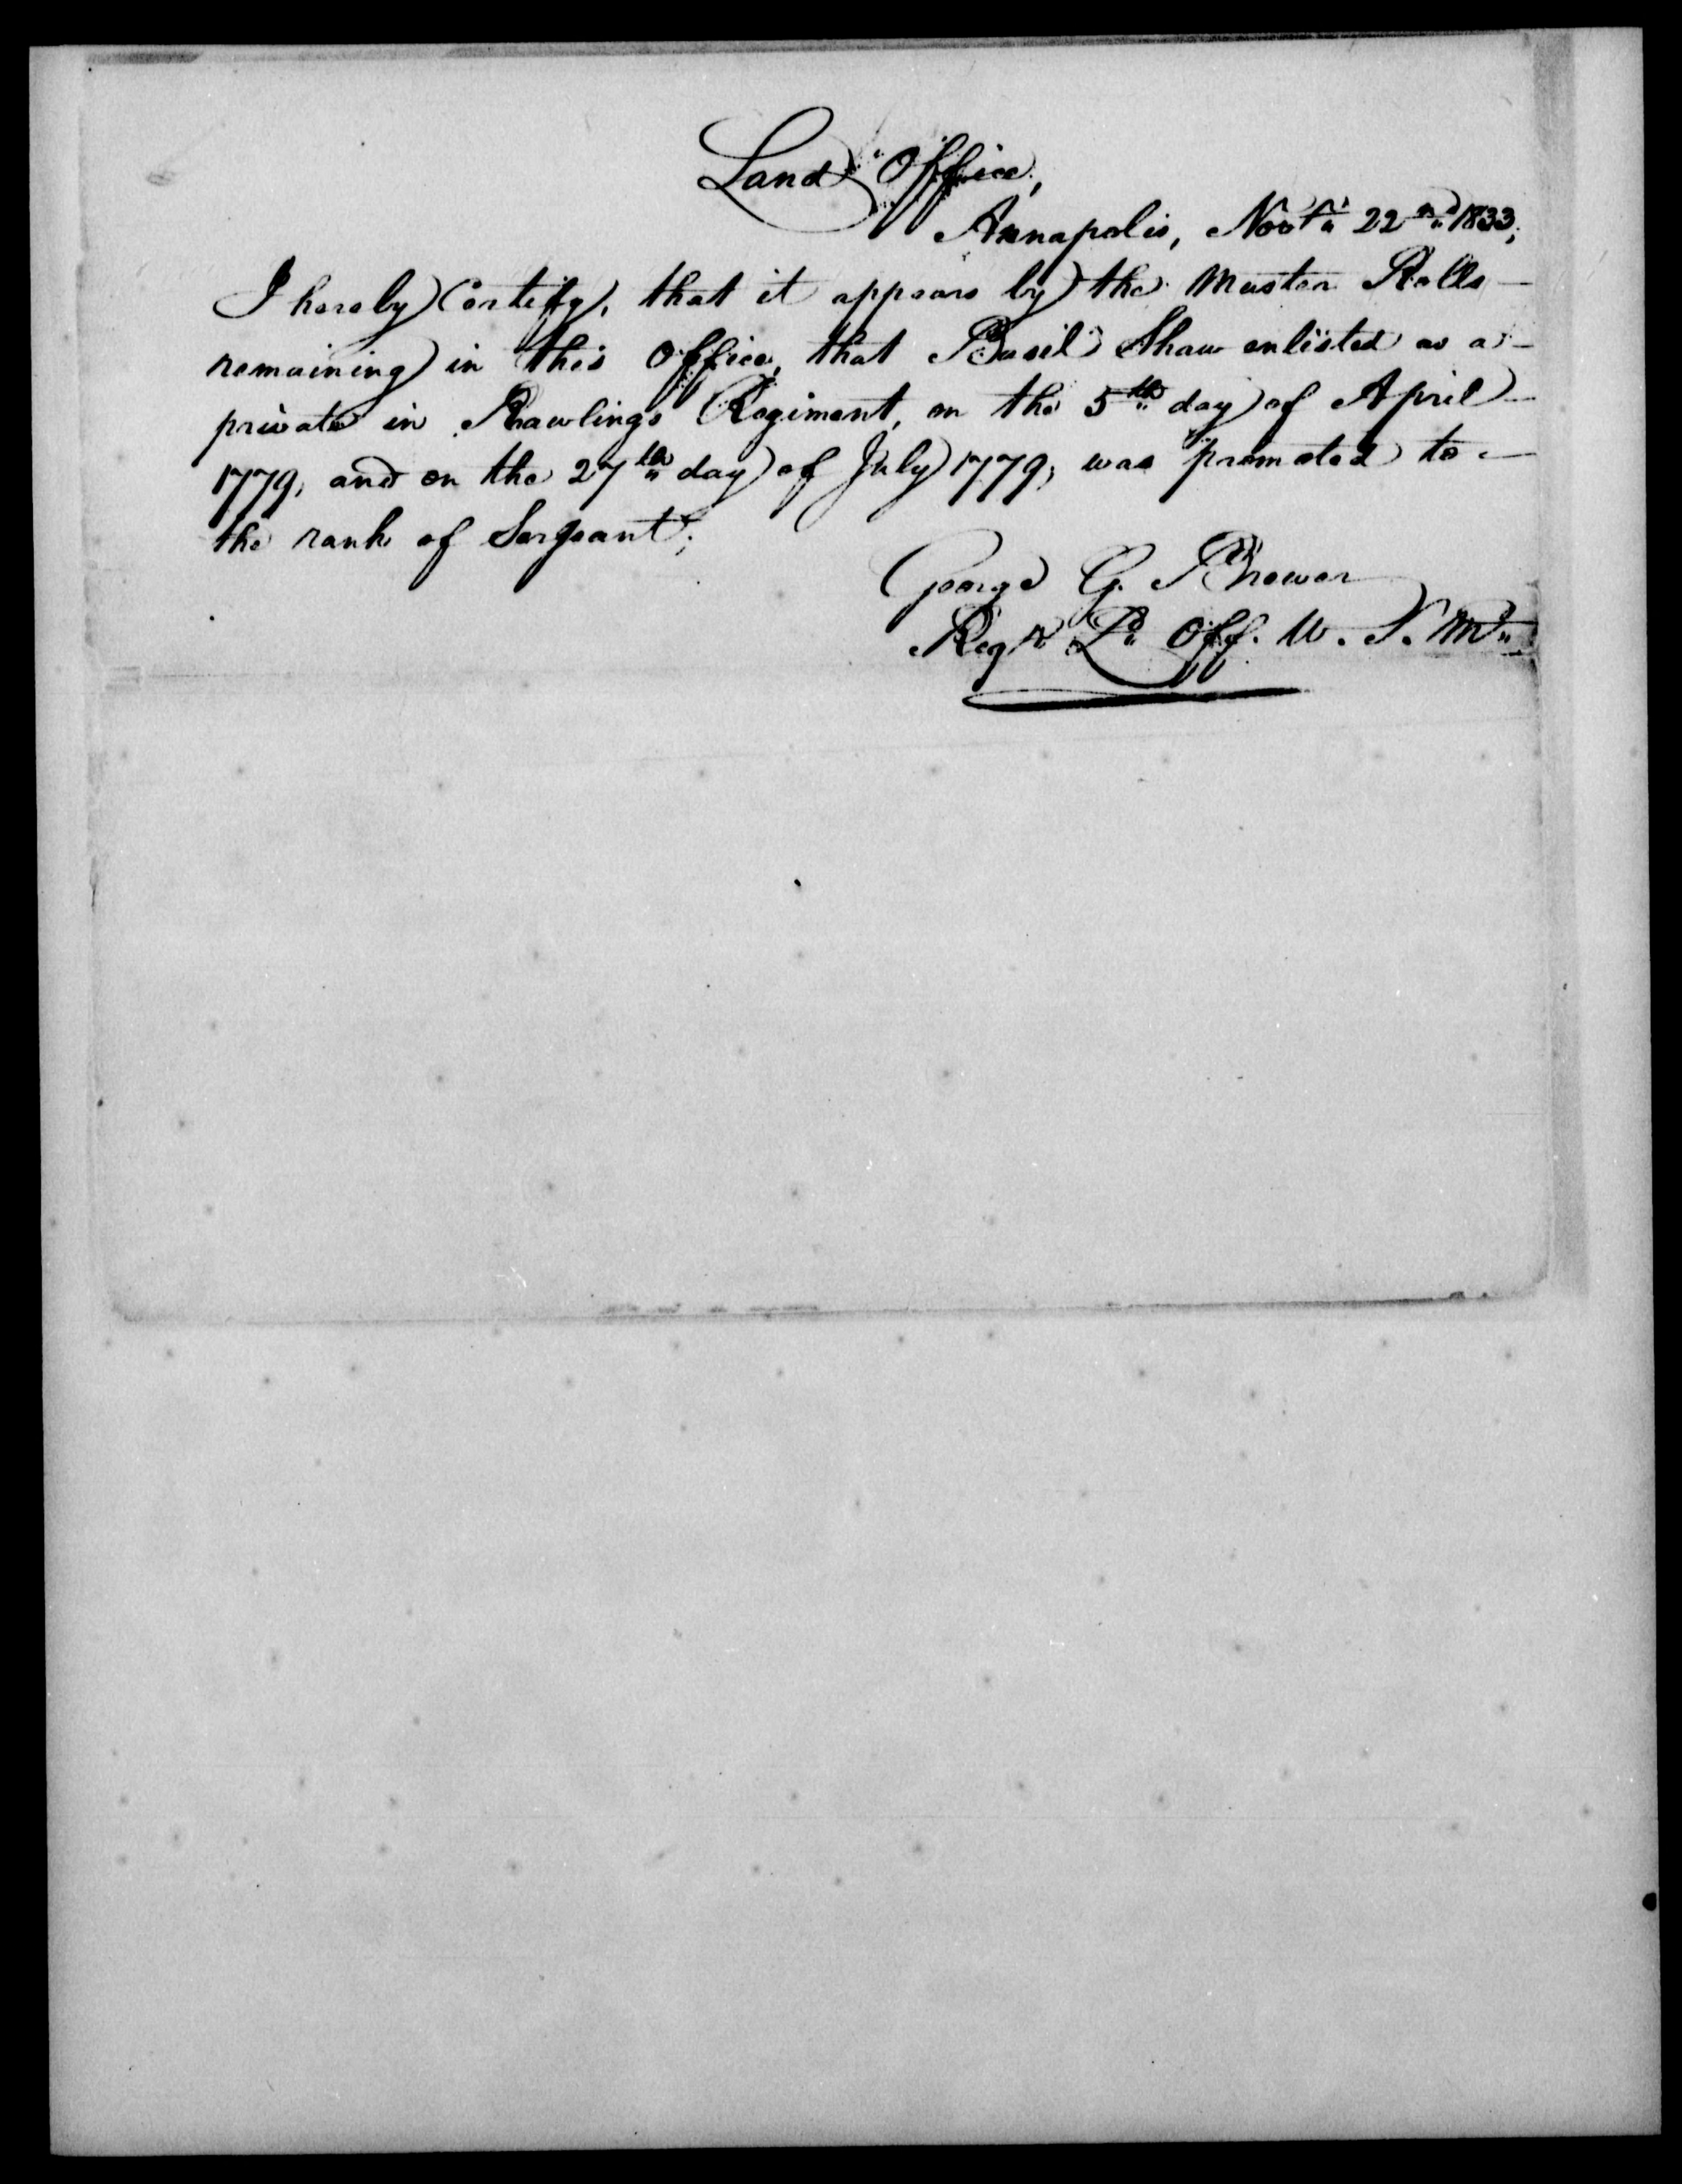Land Office,
Annapolis, Nov. 22nd 1833
I hereby certify that it appears by the Muster Rolls
remaining in this office that Basil Shaw enlisted as a
private in Rawlings' Regiment on the 5th day of April
1779, and on the 27th day of July 1779, was promoted to
the rank of Sergeant
George G Brewer
Regr Ld Off. W. S. Md.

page: 16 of 32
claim: survivor's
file: S. 16,526, for Basil Shaw, Maryland